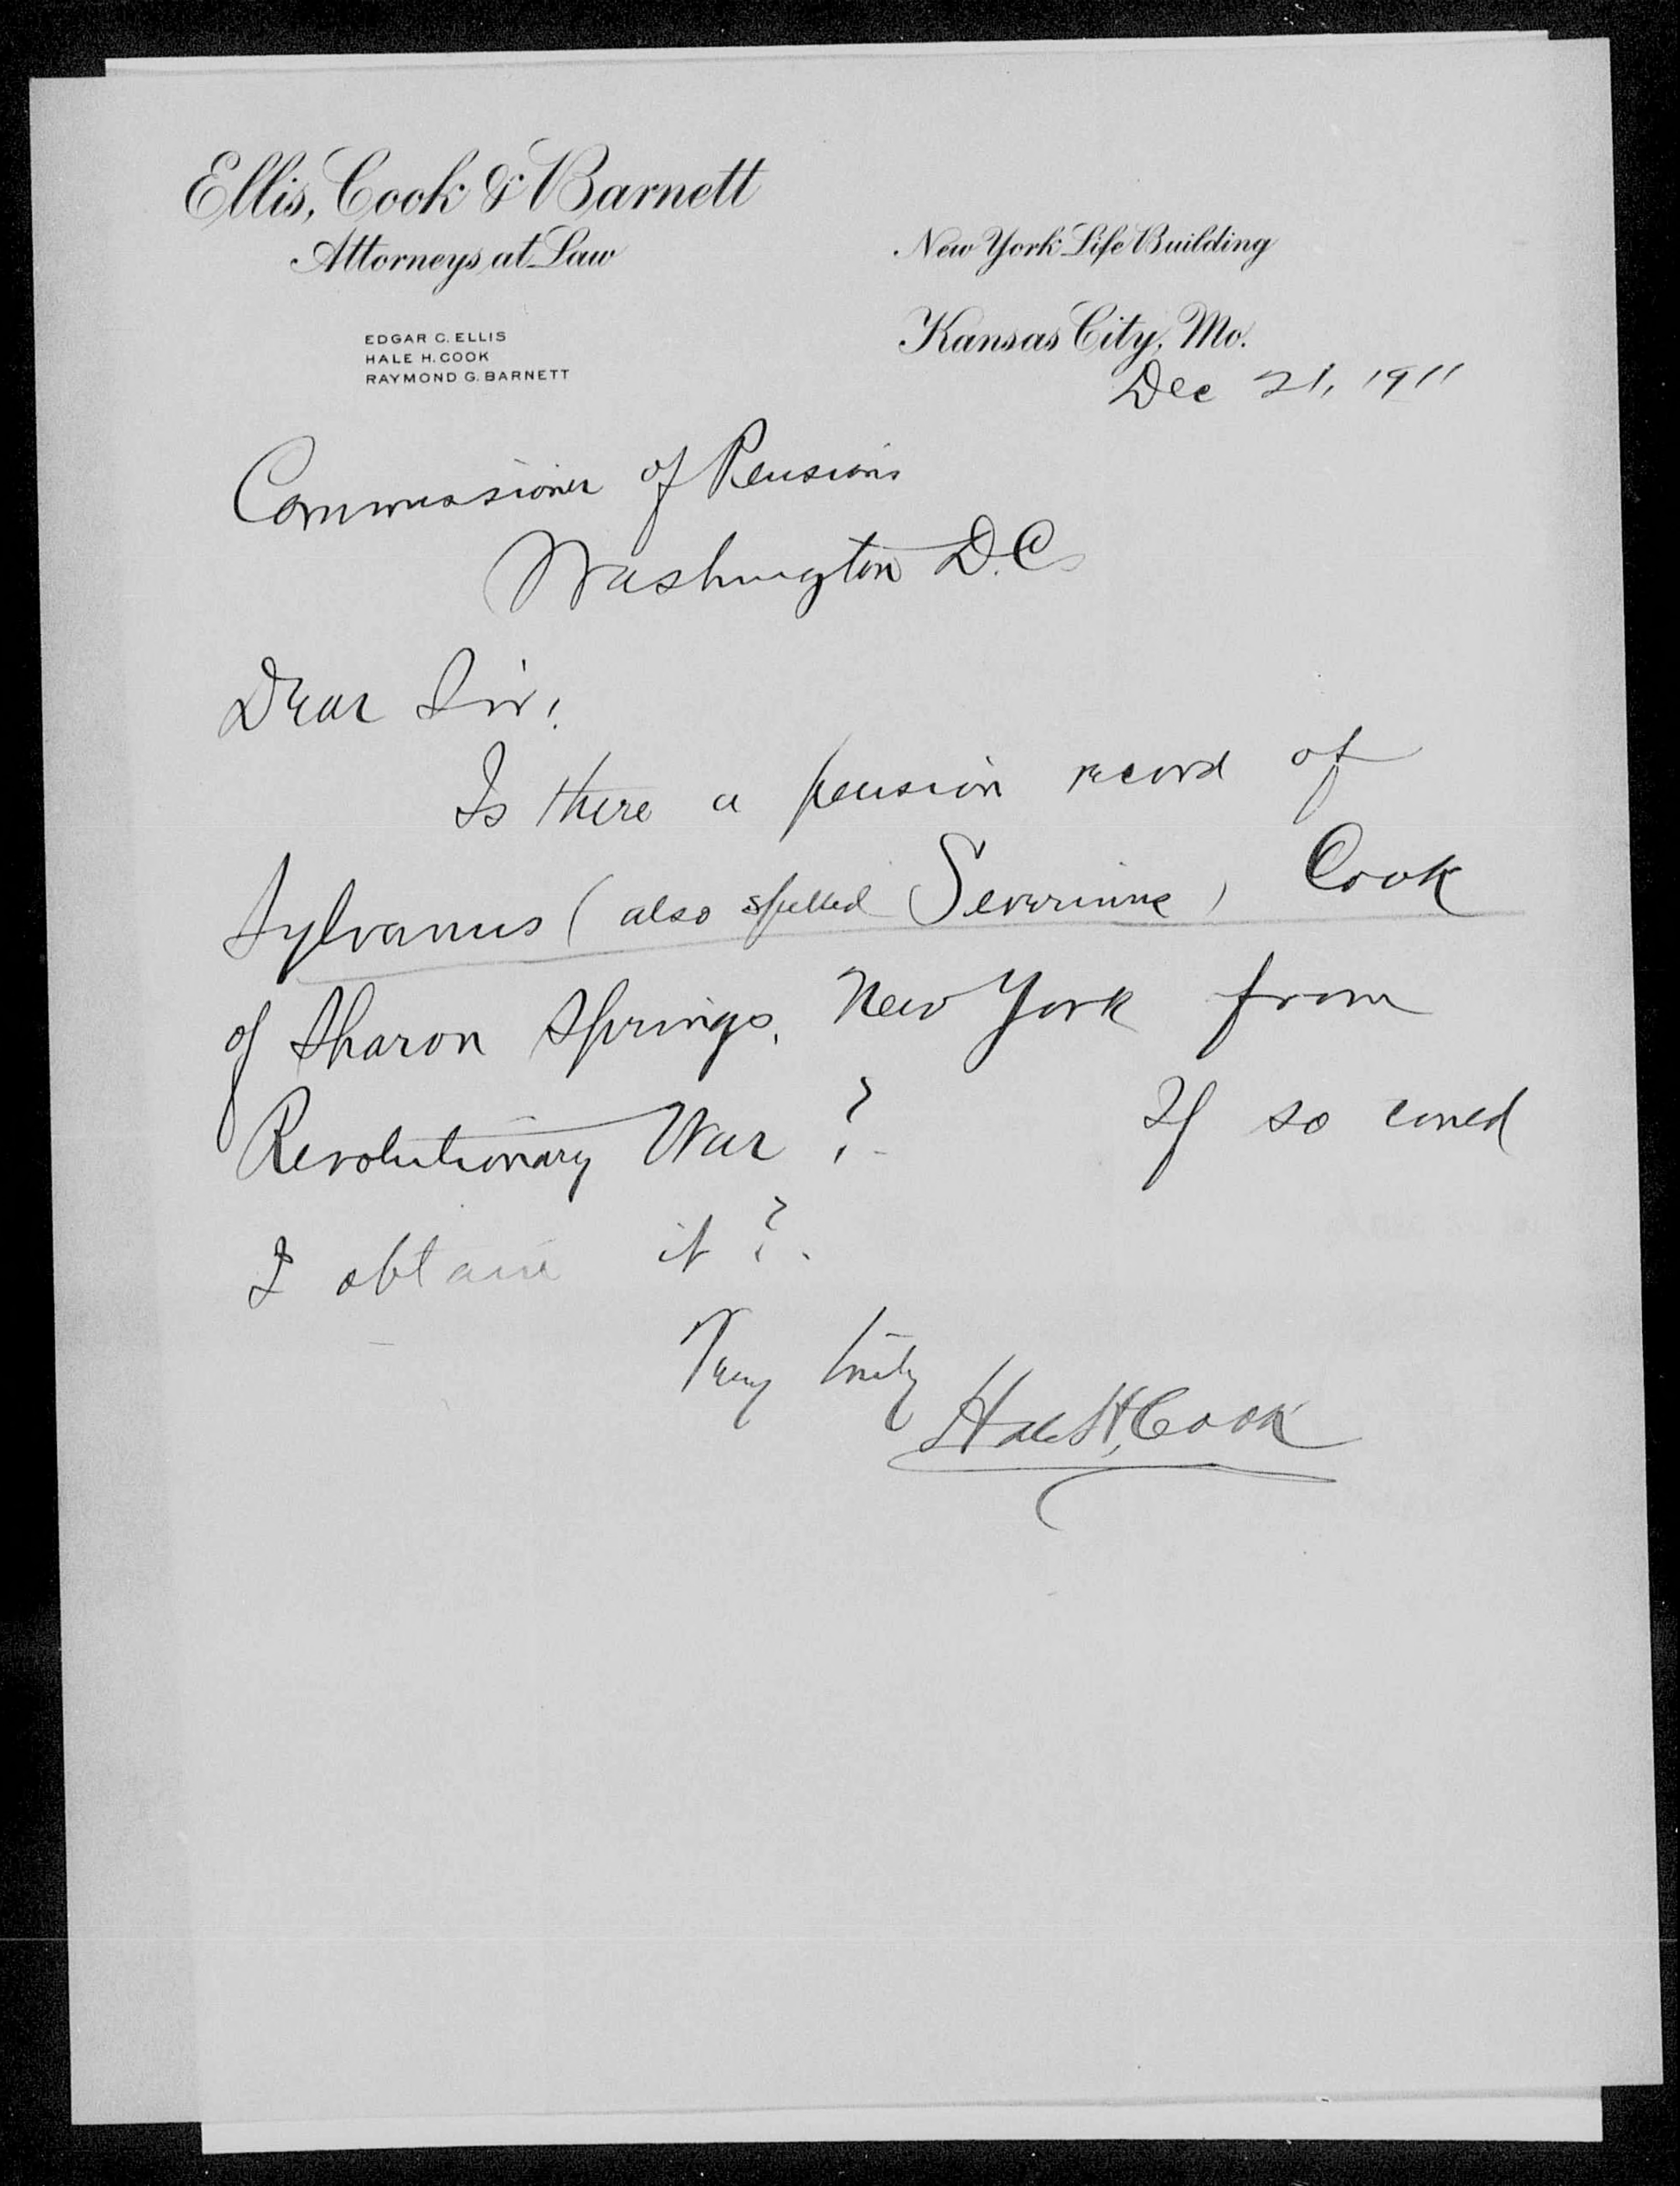Ellis, Cook & Barnett
Attorneys at Law

EDGAR C. ELLIS
HALE H. COOK
RAYMOND G. BARNETT

New York Life Building
Kansas City, Mo.

Dec 21, 1911

Commissioner of Pensions
Washington D.C.

Dear Sir,

Is there a pension record of Sylvanus (also spelled Severinus) Cook of Sharon Springs, 
New York from Revolutionary War?

If so could I obtain it? 

Very truly
Hale H. Cook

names: Ellis, Edgar C Ellis, Cook, Hale H Cook, Severinus Cook, Hale H Cook, Sylvanus Cook, Raymond G Barnett, Barnett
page: 24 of 51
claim: survivor's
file: S. 12563, Severinus Cook, New York